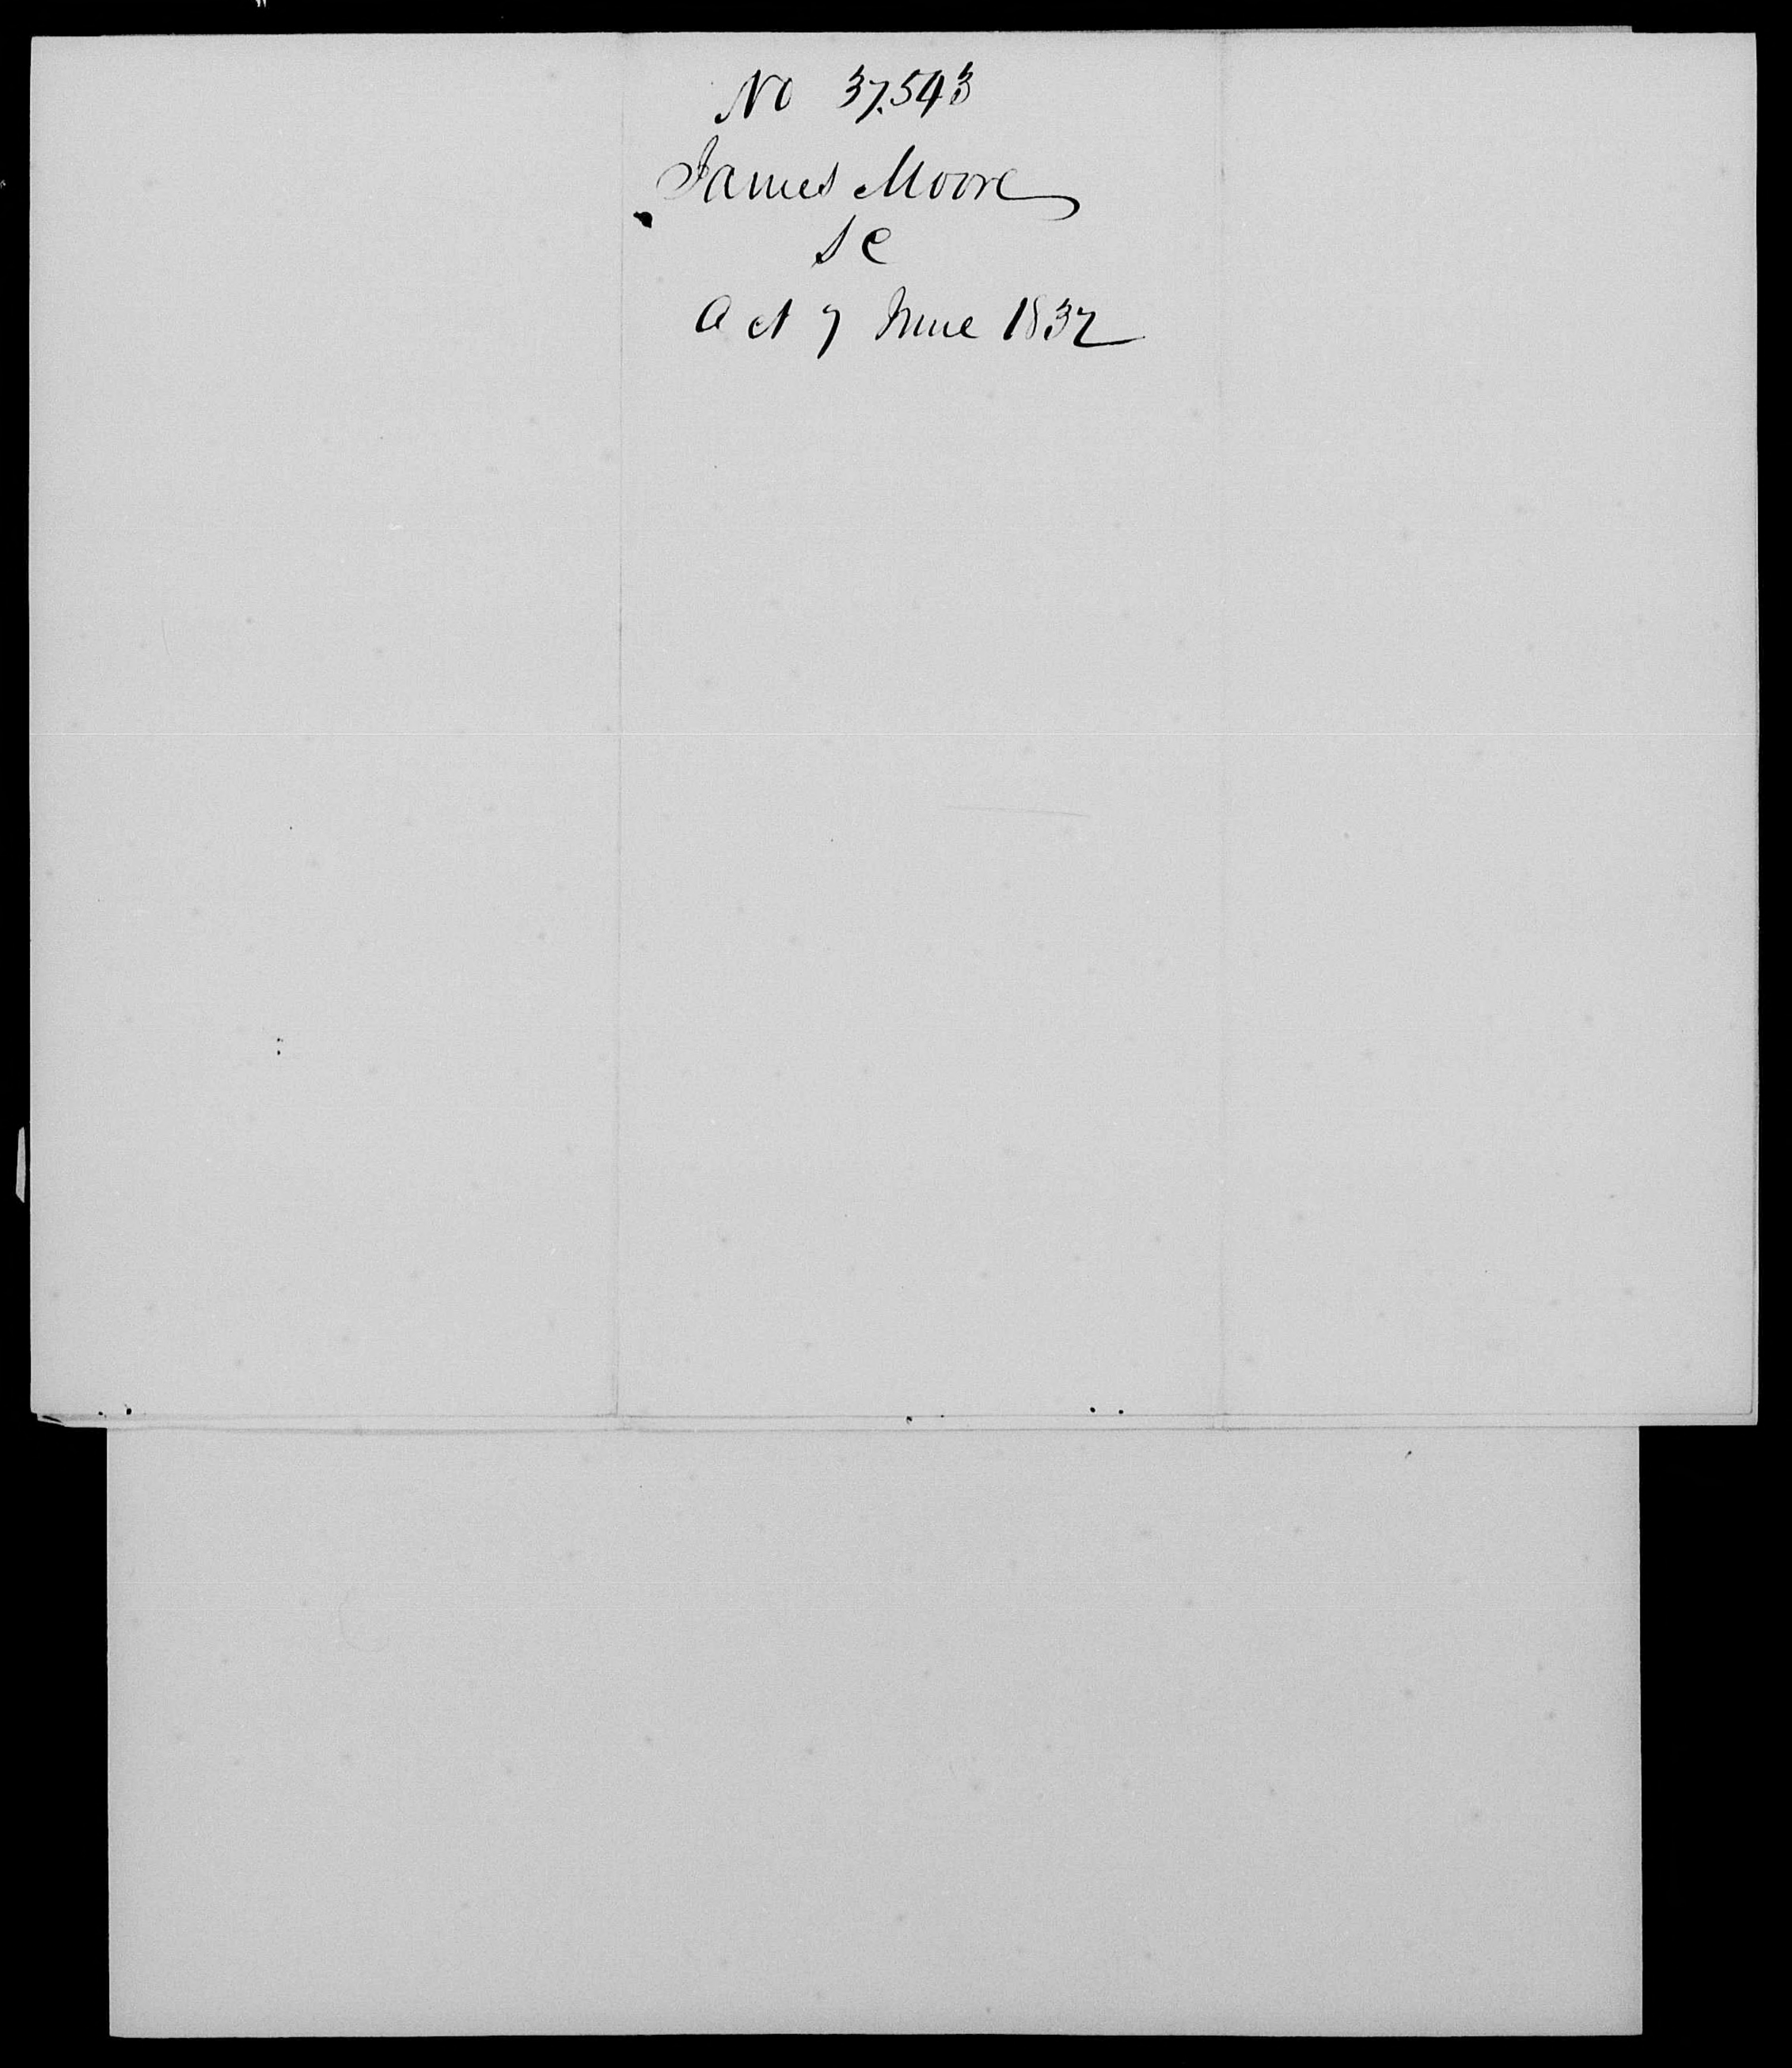No 37543
James Moore
S C
Act 7 June 1832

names: James Moore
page: 2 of 17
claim: rejected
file: R 7329, for James More, South Carolina